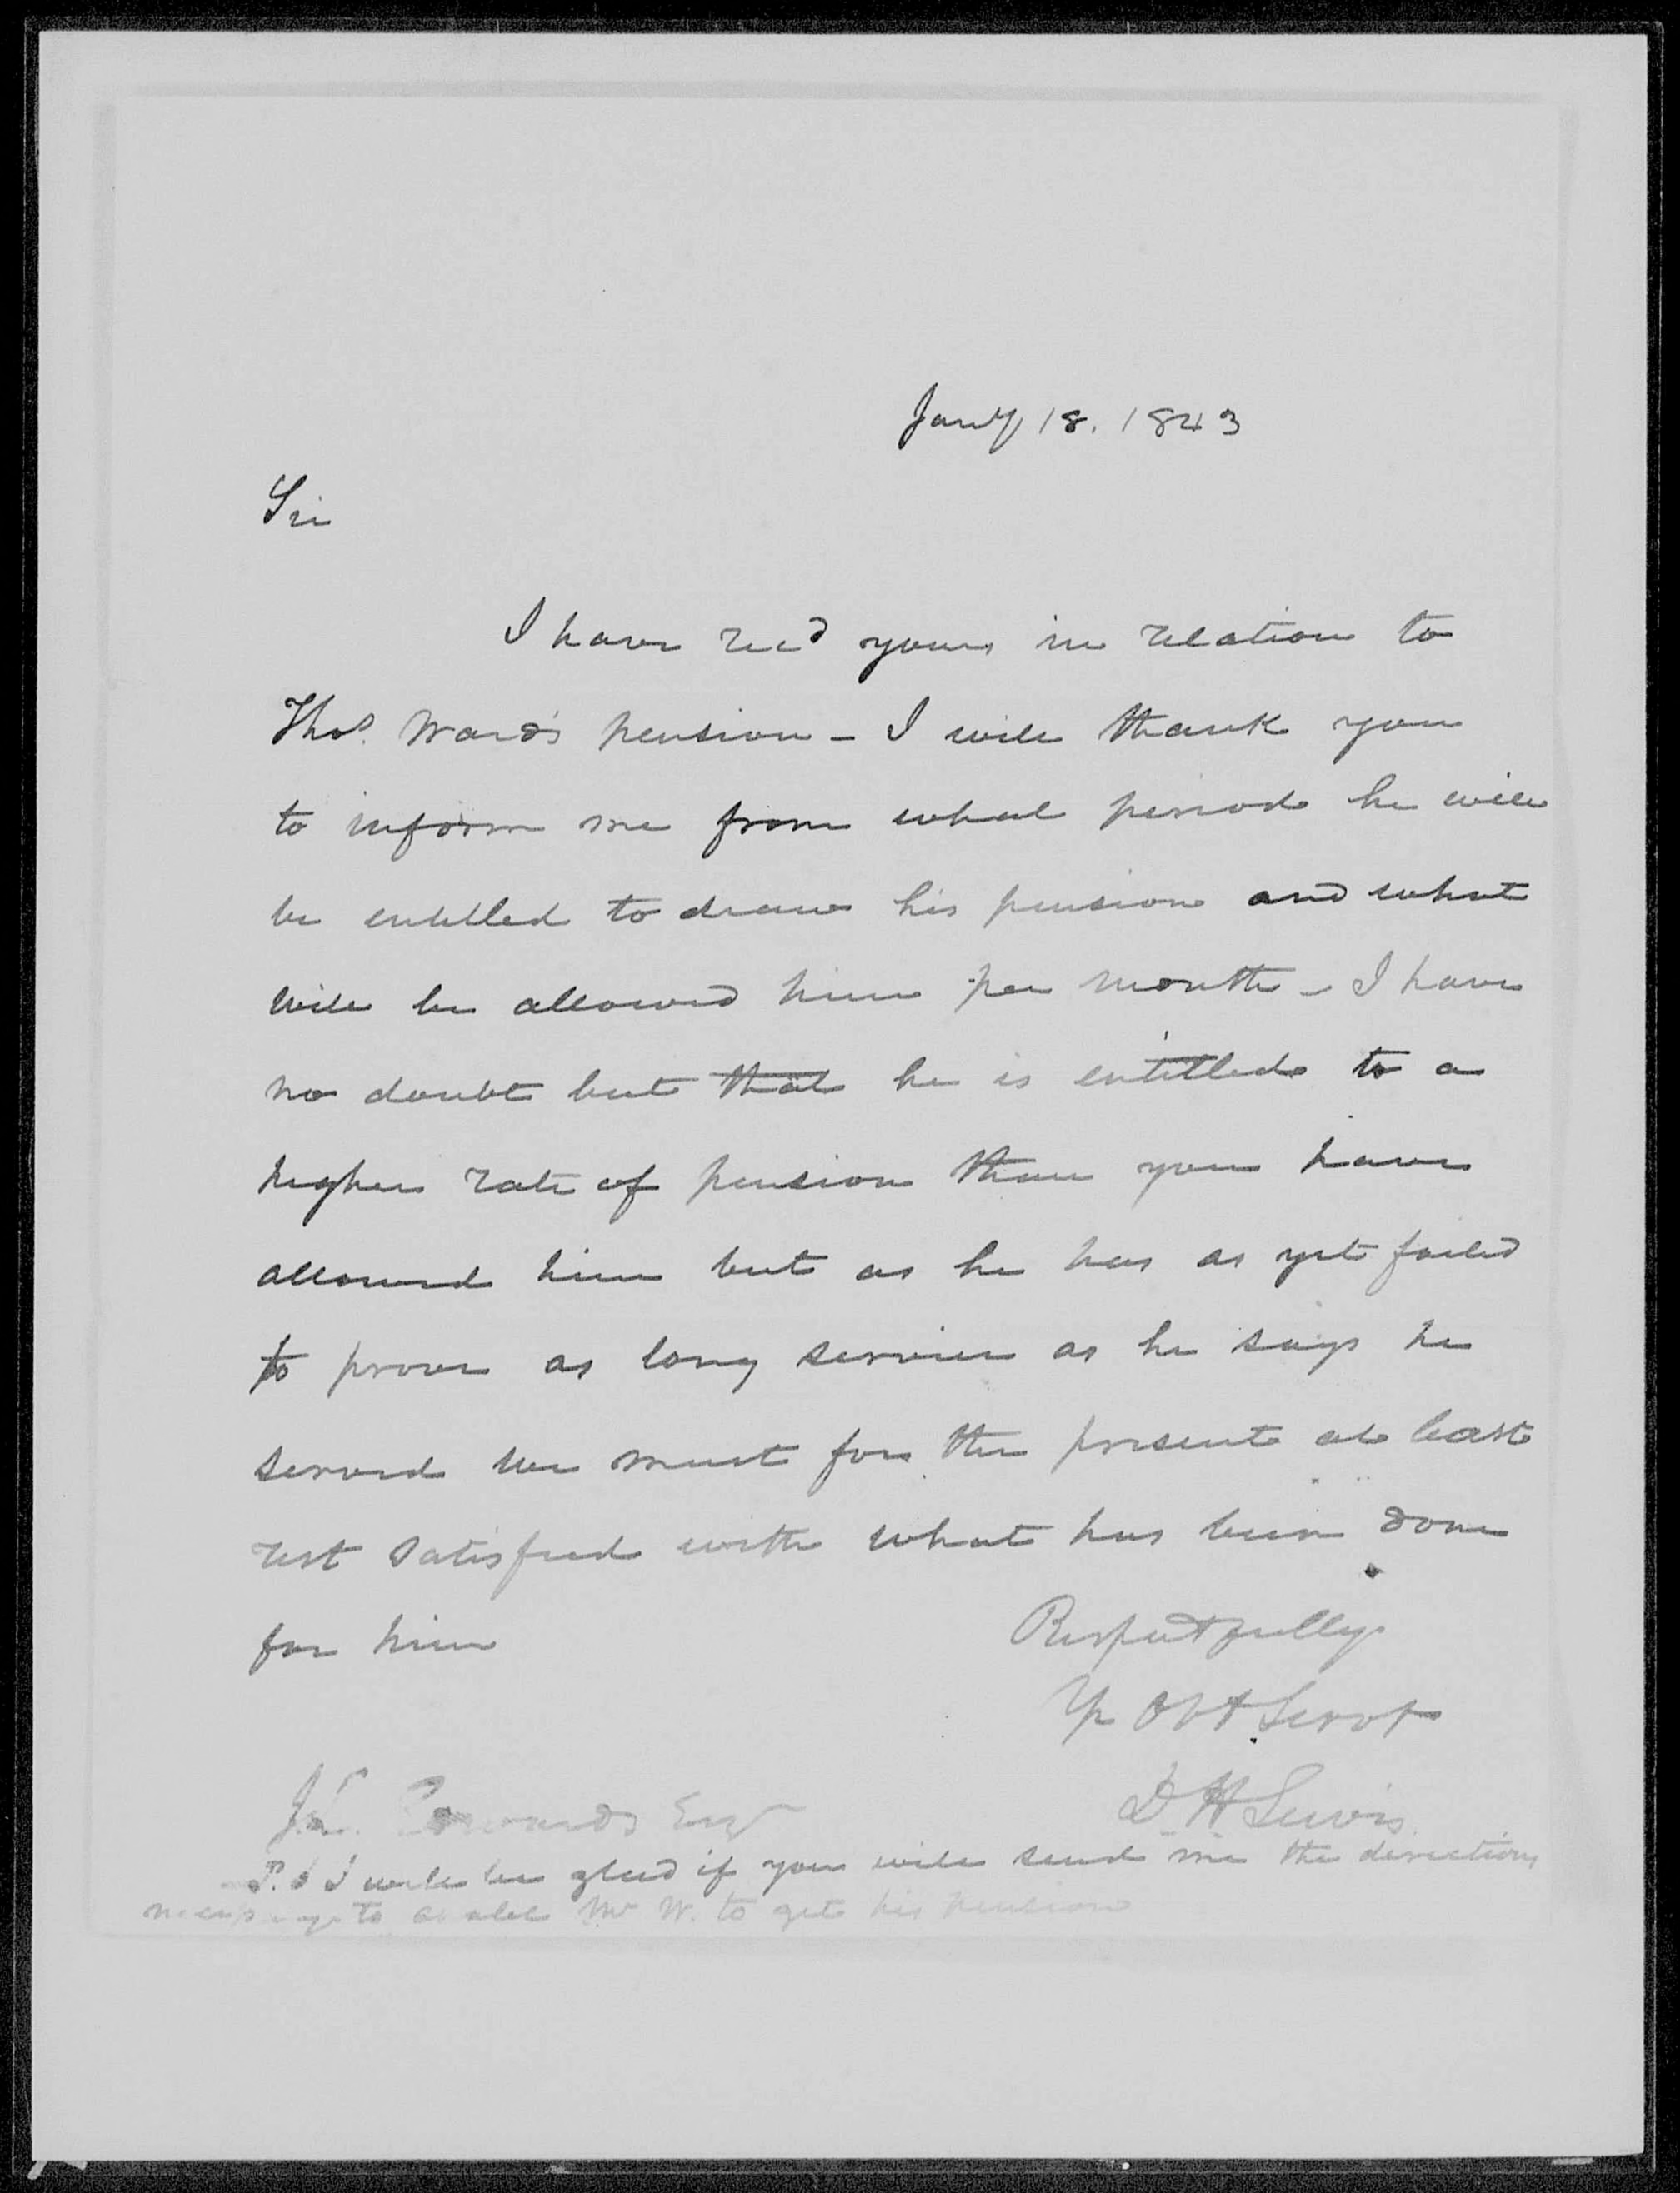Jany. 18,  1843
Sir
I have recd yours in relation to Thos. Ward's pension __  I will thank you to inform me from what periods he will be entitled to draw his pension and what will be allowed him per month __ I have no doubt but that he is entitled to a higher rate of pension than you have allowed him but as he has as yet failed to prove as long service as he says he served he must for the present at least rest satisfied with what has been done for him
Respectfully.
Yr  Obt. Servt
D. H. Lewis

J.L. Edwards Esqr
P.S. I will be glad if you will send me the directions necessary to enable Mr W. to get his pension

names: D H Lewis, J L Edwards, Thos Ward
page: 20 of 31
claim: survivor's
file: S. 14802, Thomas Ward, S.C.